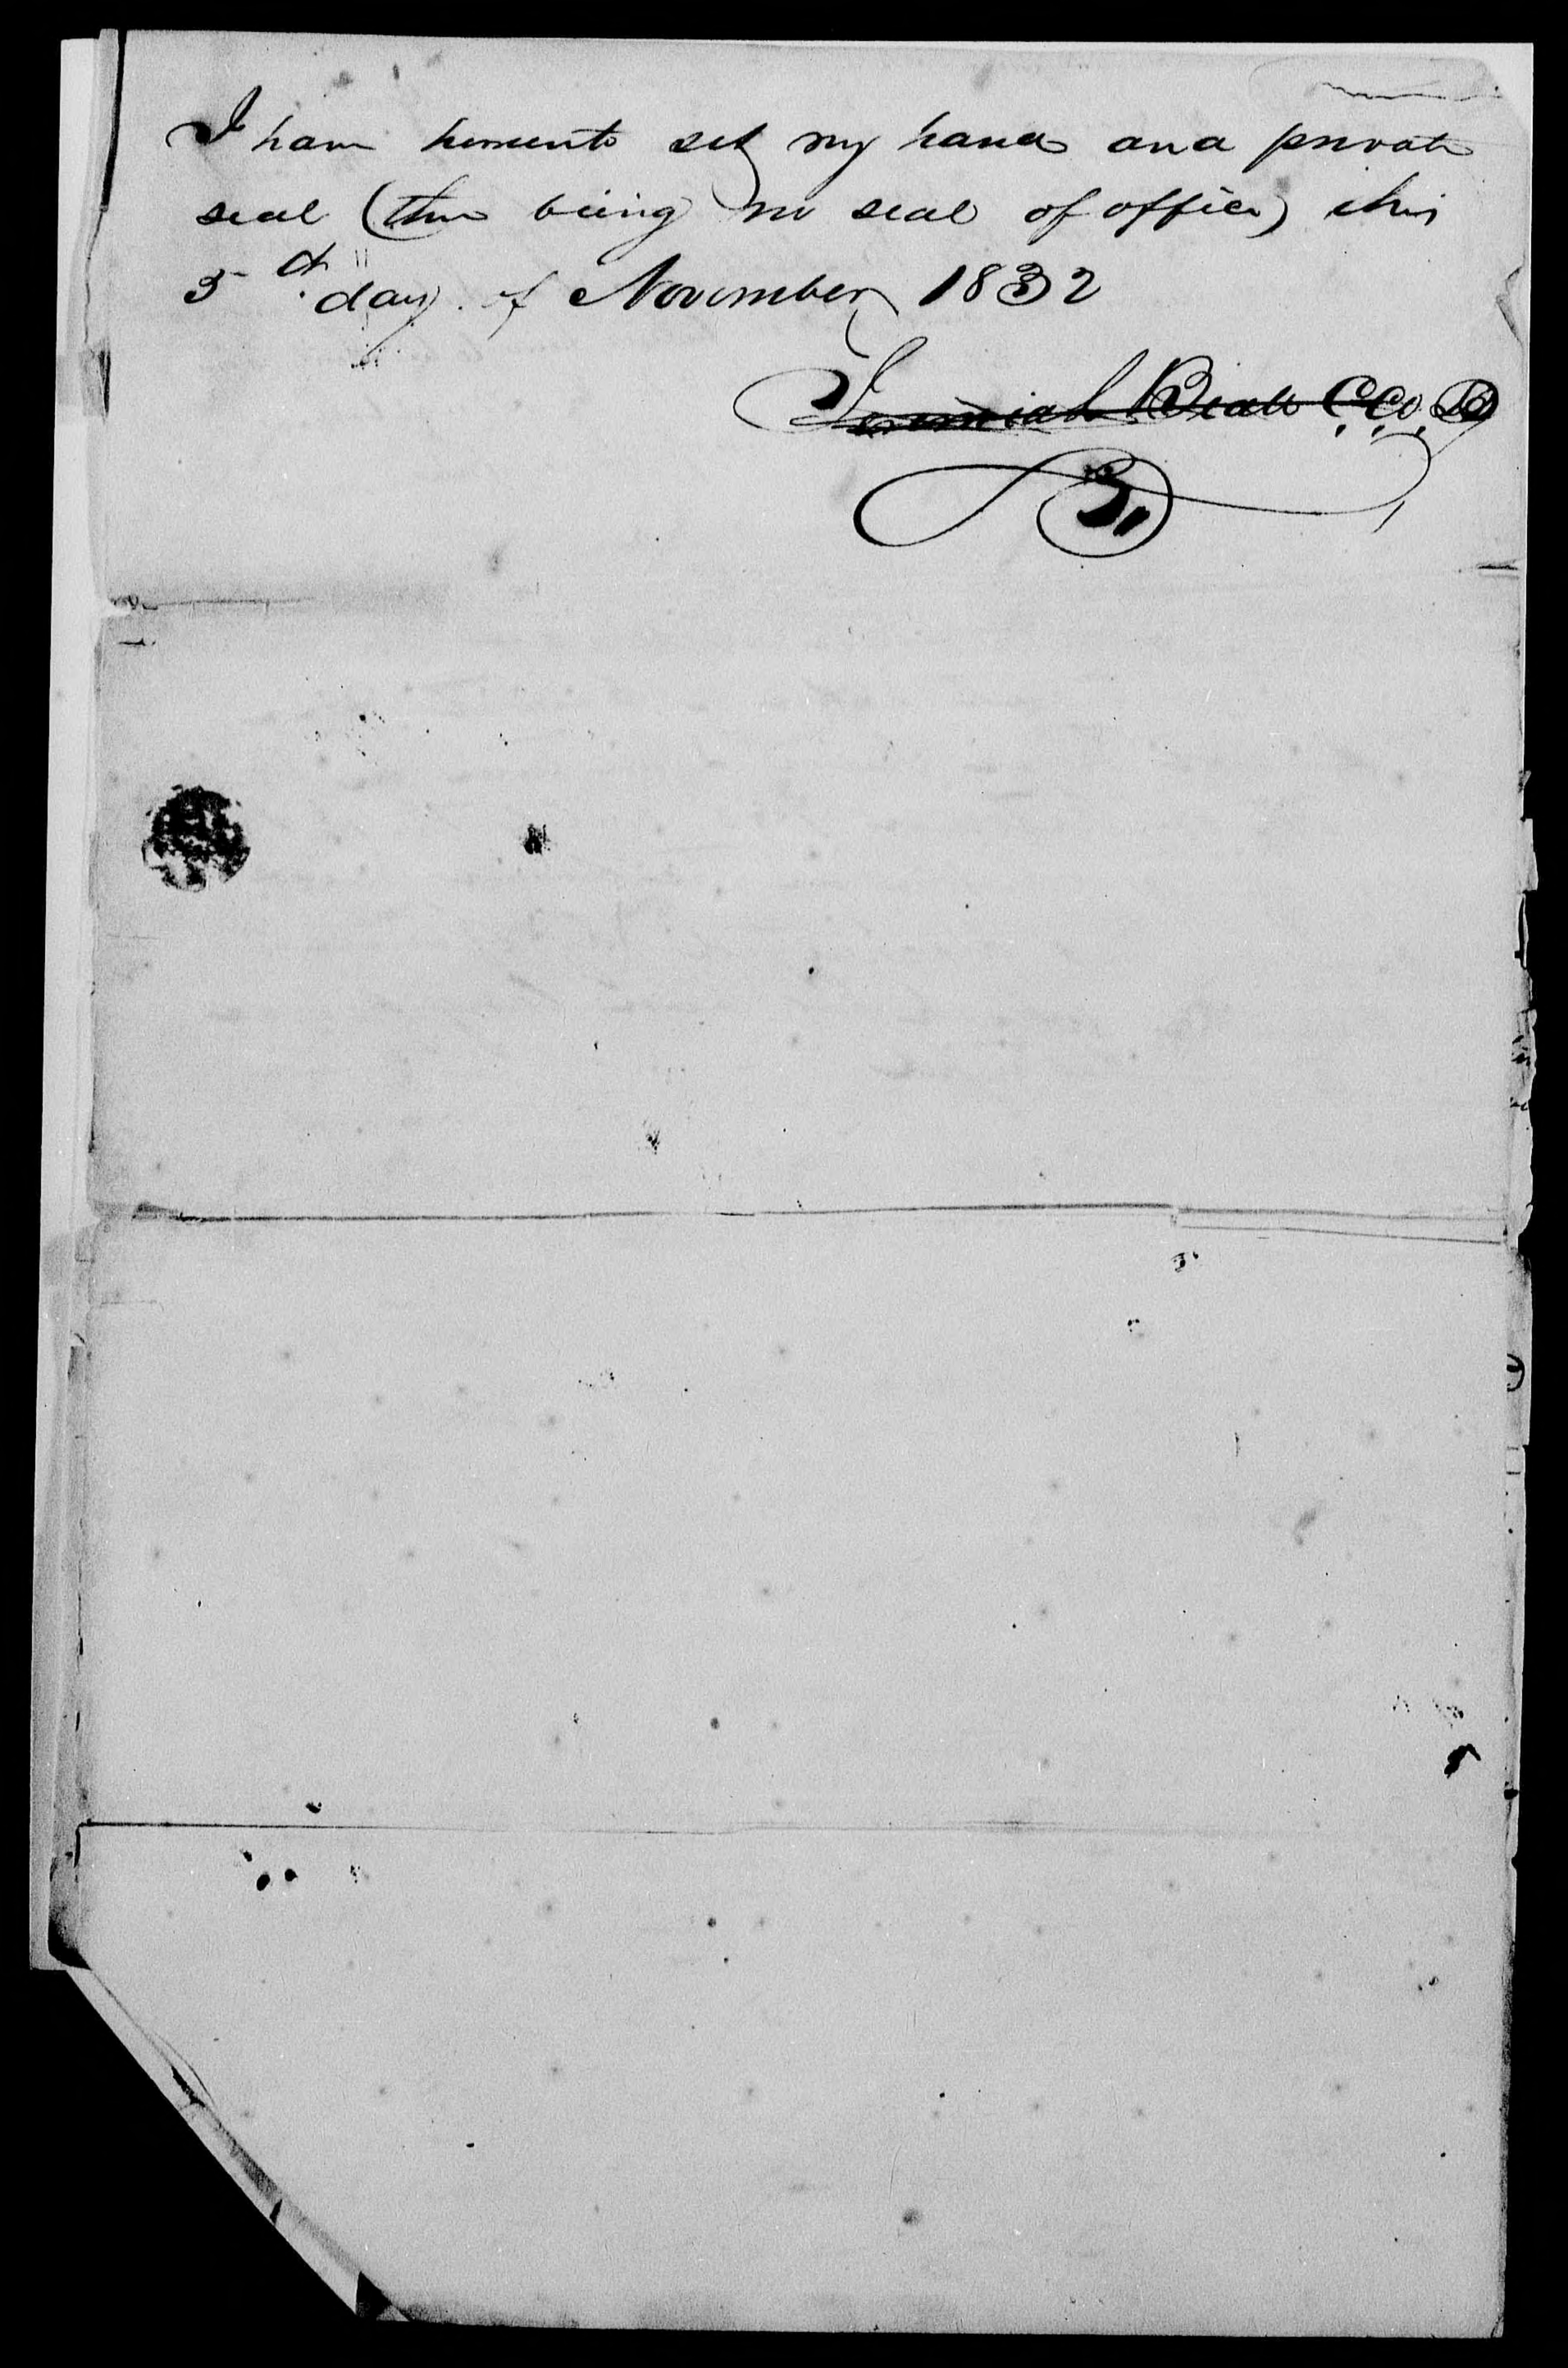I have hereunto set my hand and private seal (there being no seal of office) this 5th day of November 1832.
Jeremiah Beall C.C.O {SS}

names: Jeremiah Beall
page: 18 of 23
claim: rejected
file: R. 1465, Peter Buckholts, S.C.